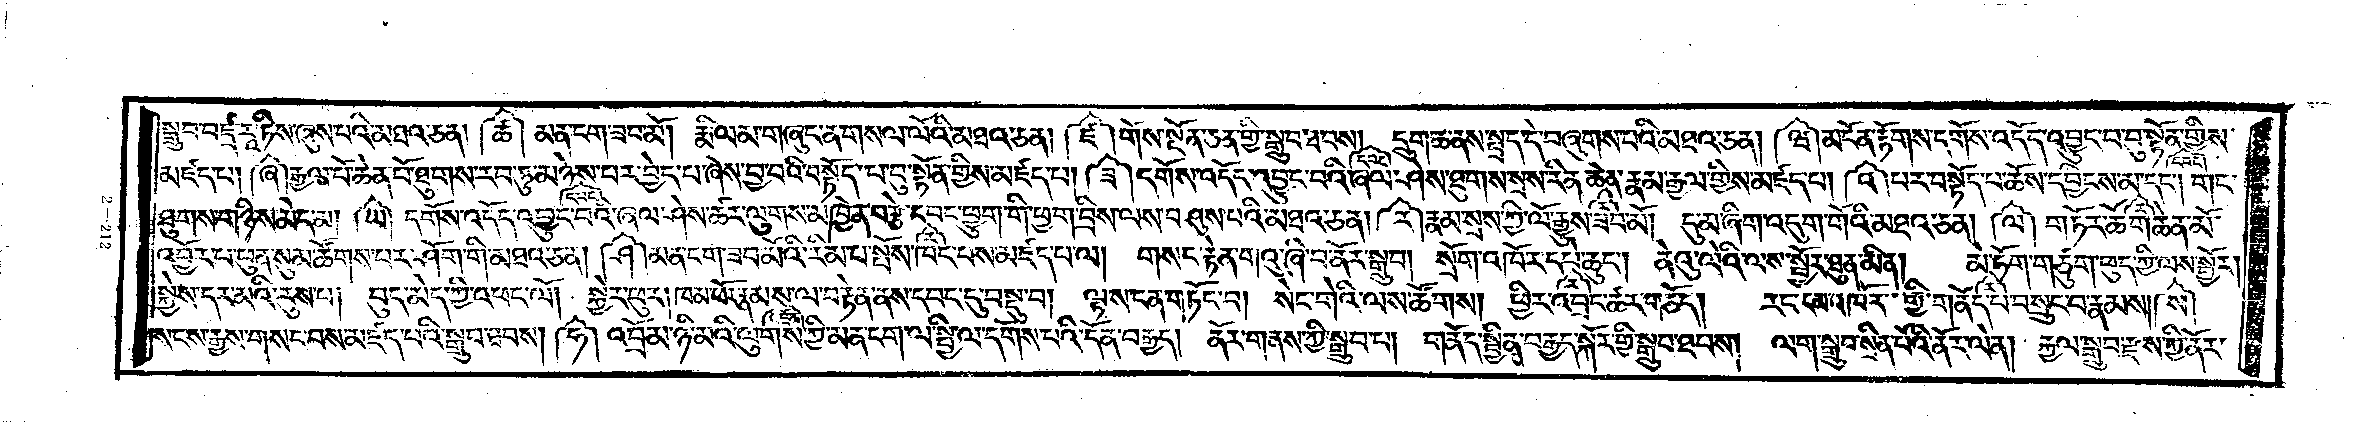སྒྲུབ་བཛྲ་རཱ་ཏིས་ཞུས་པའི་མཐའ་ཅན། ༼ཚ༽ མན་ངག་ཟབ་མོ། རྨི་ལམ་གཞུང་ན་གསལ་ལོའི་མཐའ་ཅན། ༼ཛ༽ གོས་སྔོན་ཅན་གྱི་སྒྲུབ་ཐབས། དྲུག་ཆ་ནས་སྤྲད་དེ་བཞུགས་པའི་མཐའ་ཅན། ༼ཝ༽ མངོན་རྟོགས་དགོས་འདོད་འབྱུང་བ་བུ་སྟོན་གྱིས་
མཛད་པ། ༼ཞ༽ རྒྱལ་པོ་ཆེན་པོ་ཐུགས་རབ་ཏུ་མཉེས་པར་བྱེད་པ་ཞེས་བྱ་བའི་བསྟོད་པ་བུ་སྟོན་གྱིས་མཛད་པ། ༼ཟ༽ དགོས་འདོད་འབྱུང་བའི་ཞལ་ཤེས་ཐུགས་སྲས་རིན་ཆེན་རྣམ་རྒྱལ་གྱིས་མཛད་པ།༼འ༽ པར་བསྟོད་པ་ཆོས་དབྱིངས་མ་དང་། གང་
ཐུགས་གཉིས་མེད་མ། ༼ཡ༽ དགོས་འདོད་འབྱུང་བའི་ཞལ་ཤེས་ཚར་ལུགས་མཁྱེན་བརྩེ་དབང་ཕྱུག་གི་ཕྱག་བྲིས་ལས་བཤུས་པའི་མཐའ་ཅན། ༼ར༽ རྣམ་སྲས་ཀྱི་ལོ་རྒྱུས་ཟབ་མོ། དུ་མ་ཞིག་འདུག་གོའི་མཐའ་ཅན། ༼ལ༽ གཏོར་ཆོག་ཆེན་མོ་
འབྱོར་པ་ཕུན་སུམ་ཚོགས་པར་ཤོག་གི་མཐའ་ཅན། ༼ཤ༽ མན་ངག་ཟབ་མོའི་རིམ་པ་སྤོས་ཁང་པས་མཛད་པ་ལ། གསངས་རྟེན་གའུ་ཞི་བ་ནོར་སྒྲུབ། སྲོག་འཁོར་དཔེ་ཆུང་། ནེའུ་ལེའི་ལས་སྦྱོར་ཐུན་མིན། མེ་ཏོག་གཙུག་ཕུད་ཀྱི་ལས་སྦྱོར།
སྐྱེས་དར་མའི་རུས་པ། བུད་མེད་ཀྱི་འཕང་ལོ། སྐྱེར་ཕུར། ཁམ་ཕོར་རྣམས་ལ་བརྟེན་ནས་དབང་དུ་བསྡུ་བ། ལྟས་ངན་གཏོང་པ། སེང་གེའི་ལས་ཚོགས། ཕྱིར་འབྲང་ཚར་གཅོད། རང་དམ་འཁོར་གྱི་གནོད་པ་བསྲུང་བ་རྣམས། ༼ས༽
སངས་རྒྱས་གསང་བས་མཛད་པའི་སྒྲུབ་ཐབས། ༼ཧ༽ འབྲོམ་ཉི་མའི་ལུགས་ཀྱི་མན་ངག་ལ་སྤྱི་ལ་དགོས་པའི་དོན་བརྒྱད། ནོར་གནས་ཀྱི་སྒྲུབ་པ། གནོད་སྦྱིན་བརྒྱད་སྐོར་གྱིས་གྲུབ་ཐབས། ལག་སྒྲུབ་སྲིན་པོའི་ནོར་ལེན། རྒྱལ་སྒྲུབ་རྫས་ཀྱི་ནོར་